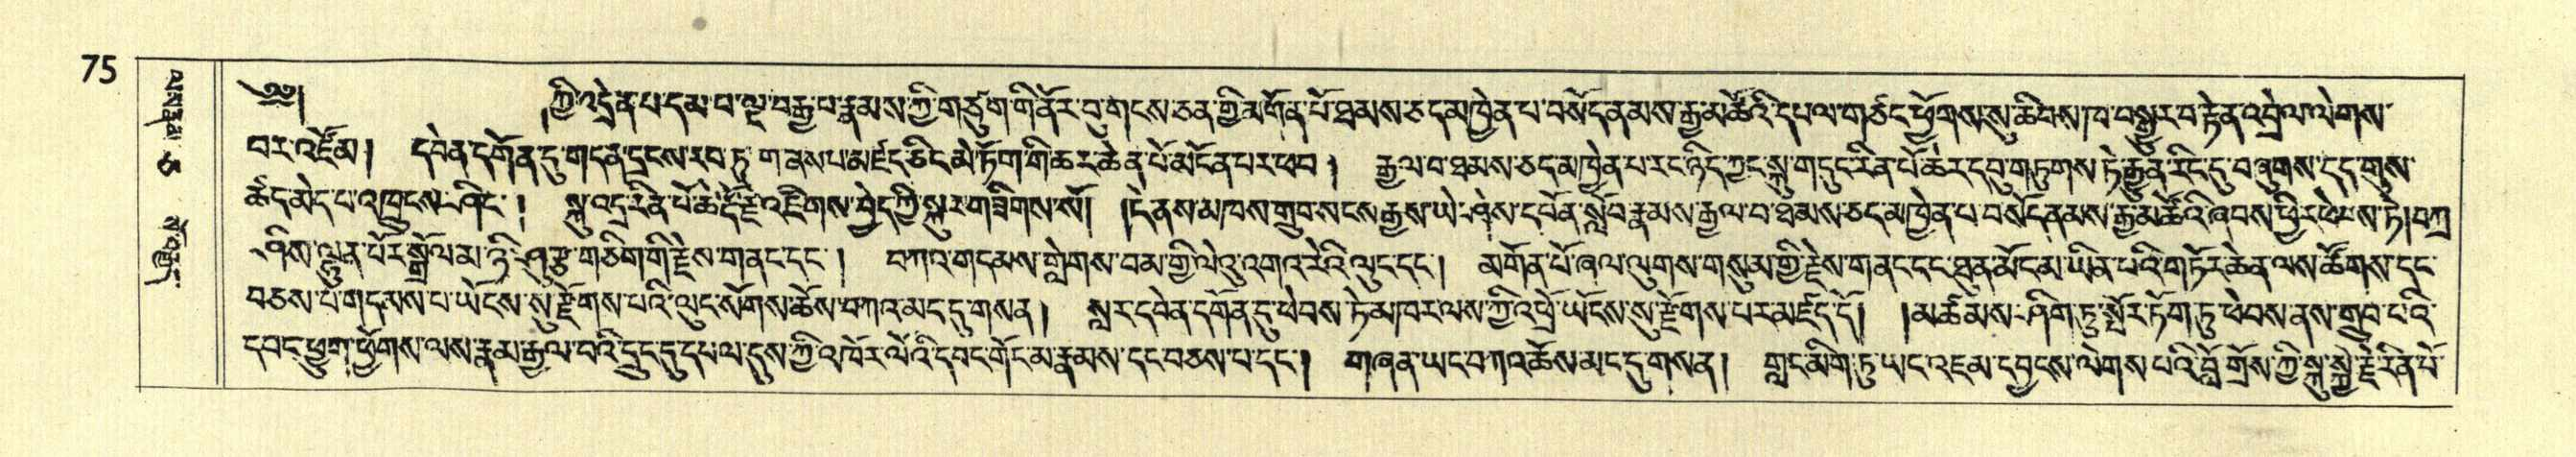༄༅། །ཀྱི་འདྲེན་པ་དམ་པ་ལྔ་བརྒྱ་པ་རྣམས་ཀྱི་གཙུག་གི་ནོར་བུ་གངས་ཅན་གྱི་མགོན་པོ་ཐམས་ཅད་མཁྱེན་པ་བསོད་ནམས་རྒྱ་མཚོའི་དཔལ་གཙང་ཕྱོགས་སུ་ཆིབས་ཁ་བསྒྱུར་བ་རྟེན་འབྲེལ་ལེགས་
བར་འཛོམ། དབེན་དགོན་དུ་གདན་དྲངས་རབ་ཏུ་གནས་པ་མཛད་ཅིང་མེ་ཏོག་གི་ཆར་ཆེན་པོ་མངོན་པར་ཕབ། རྒྱལ་བ་ཐམས་ཅད་མཁྱེན་པ་རང་ཉིད་ཀྱང་སྐུ་གདུང་རིན་པོ་ཆེར་དབུ་གཏུགས་ཏེ་རྒྱུན་རིང་དུ་བཞུགས་དང་གུས་
ཚད་མེད་པ་འཁྲུངས་ཤིང་། སྐུ་འདྲ་རིན་པོ་ཆེ་རྡོ་རྗེ་འཇིགས་བྱེད་ཀྱི་སྐུར་གཟིགས་སོ། །དེ་ནས་མཁས་གྲུབ་སངས་རྒྱས་ཡེ་ཤེས་དཔོན་སློབ་རྣམས་རྒྱལ་བ་ཐམས་ཅད་མཁྱེན་པ་བསོད་ནམས་རྒྱ་མཚོའི་ཞབས་ཕྱིར་ཕེབས་ཏེ། བཀྲ་
ཤིས་ལྷུན་པོར་སྒྲོལ་མ་ཉི་ཤུ་རྩ་གཅིག་གི་རྗེས་གནང་དང་། བཀའ་གདམས་གླེགས་བམ་གྱི་ལེའུ་འགའ་རེའི་ལུང་དང་། མགོན་པོ་ཞལ་ལུགས་གསུམ་གྱི་རྗེས་གནང་དང་ཐུན་མོང་མ་ཡིན་པའི་གཏོར་ཆེན་ལས་ཚོགས་དང་
བཅས་པ་གདམས་པ་ཡོངས་སུ་རྫོགས་པའི་ལུང་སོགས་ཆོས་བཀའ་མང་དུ་གསན། སླར་དབེན་དགོན་དུ་ཕེབས་ཏེ་མཁར་ལས་ཀྱི་འཕྲོ་ཡོངས་སུ་རྫོགས་པར་མཛད་དོ། །མཚམས་ཤིག་ཏུ་སྤོར་ཏོག་ཏུ་ཕེབས་ནས་གྲུབ་པའི་
དབང་ཕྱུག་ཕྱོགས་ལས་རྣམ་རྒྱལ་བའི་དྲུང་དུ་དཔལ་དུས་ཀྱི་འཁོར་ལོའི་དབང་གོང་མ་རྣམས་དང་བཅས་པ་དང་། གཞན་ཡང་བཀའ་ཆོས་མང་དུ་གསན། གླང་མིག་ཏུ་ཡང་འཇམ་དབྱངས་ལེགས་པའི་བློ་གྲོས་ཀྱི་སྐུ་སྐྱེ་རྗེ་རིན་པོ་